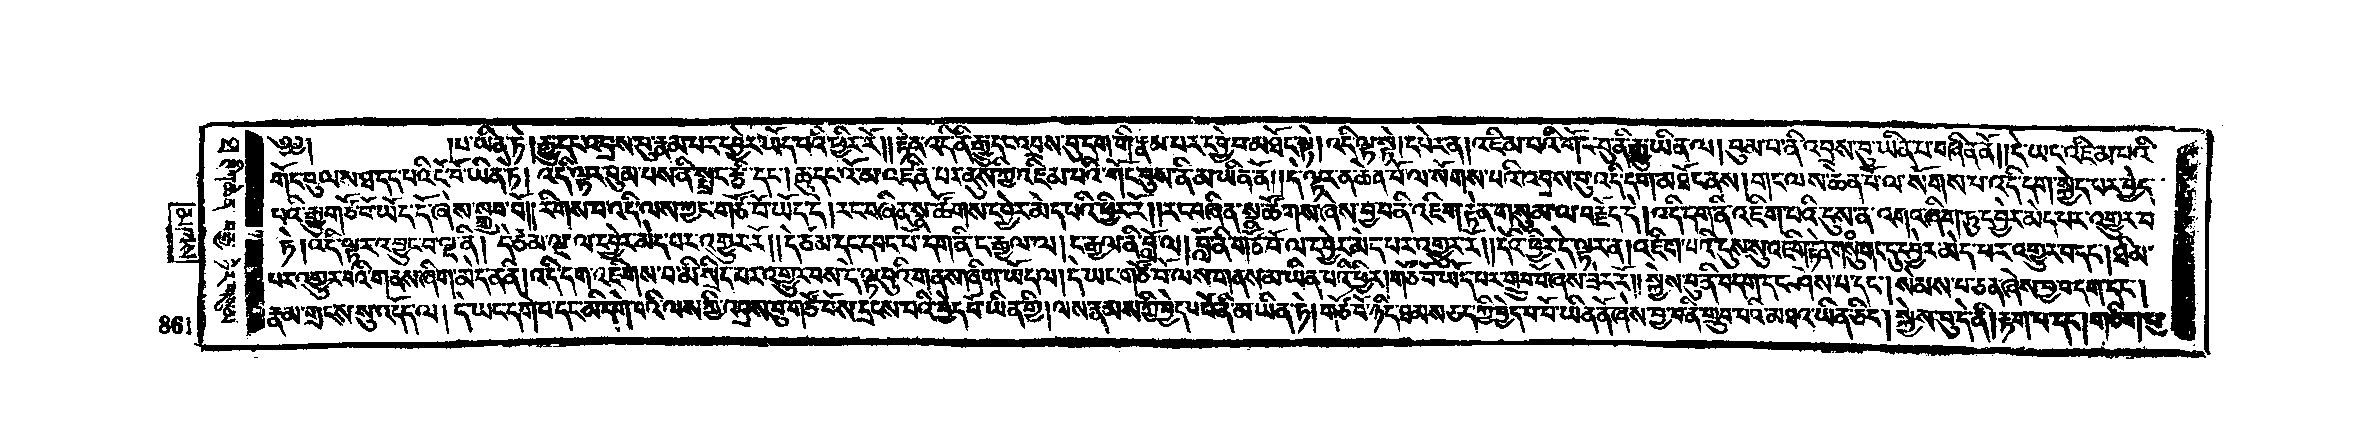༄༅། །པ་ཡིན་ཏེ། རྒྱུ་དང་འབྲས་བུ་རྣམ་པར་དབྱེར་ཡོད་པའི་ཕྱིར་རོ། །རྟེན་འདི་ནི་རྒྱུ་དང་འབྲས་བུ་དག་གི་རྣམ་པར་དབྱེ་པ་མཐོང་སྟེ། འདི་ལྟ་སྟེ། དཔེར་ན། འཇིམ་པའི་གོང་བུ་ནི་རྒྱུ་ཡིན་ལ། བུམ་པ་ནི་འབྲས་བུ་ཡིན་པ་བཞིན་ནོ། །དེ་ཡང་འཇིམ་པའི་
གོང་བུ་ལས་ཐ་དད་པའི་ངོ་བོ་ཡིན་ཏེ། འདི་ལྟར་བུམ་པས་ནི་སྤྲང་རྩི་དང་། ཆུ་དང་འོ་མ་འཛིན་པར་ནུས་ཀྱི་འཇིམ་པའི་གོང་བུས་ནི་མ་ཡིན་ནོ། །དེ་ལྟར་ན་ཆེན་པོ་ལ་སོགས་པའི་འབྲས་བུ་འདི་དག་མཐོང་ནས། གང་ལས་ཆེན་པོ་ལ་སོགས་པ་འདི་དག་སྐྱེད་པར་བྱེད་
པའི་རྒྱུ་གཙོ་བོ་ཡོད་དོ་ཞེས་སྒྲུབ་བོ། །རིགས་པ་འདི་ལས་ཀྱང་གཙོ་བོ་ཡོད་དེ། རང་བཞིན་སྣ་ཚོགས་དབྱེར་མེད་པའི་ཕྱིར་རོ། །རང་བཞིན་སྣ་ཚོགས་ཞེས་བྱ་བ་ནི་འཇིག་རྟེན་གསུམ་ལ་བརྗོད་དེ། འདི་དག་ནི་འཇིག་པའི་དུས་ན་འགའ་ཞིག་ཏུ་དབྱེར་མེད་པར་འགྱུར་བ་
ཏེ། འདི་ལྟར་འབྱུང་བ་ལྔ་ནི། དེ་ཙམ་ལྔ་ལ་དབྱེར་མེད་པར་འགྱུར་རོ། །དེ་ཙམ་དང་དབང་པོ་དག་ནི་ང་རྒྱལ་ལ། ང་རྒྱལ་ནི་བློ་ལ། བློ་ནི་གཙོ་བོ་ལ་དབྱེར་མེད་པར་འགྱུར་རོ། །དེའི་ཕྱིར་དེ་ལྟར་ན། འཇིག་པའི་དུས་སུ་འཇིག་རྟེན་གསུམ་གང་དུ་དབྱེར་མེད་པར་འགྱུར་བ་དང་། ཐིམ་
པར་འགྱུར་བའི་གནས་ཞིག་མེད་ན་ནི། འདི་དག་འཇིགས་པ་མི་སྲིད་པར་འགྱུར་བས་དེ་ལྟ་བུའི་གནས་ཞིག་ཡོད་ལ། དེ་ཡང་གཙོ་བོ་ལས་གནས་མ་ཡིན་པའི་ཕྱིར། གཙོ་བོ་ཡོད་པར་གྲུབ་བོ་ཞེས་ཟེར་རོ། །སྐྱེས་བུ་ནི་བདག་དང་ཤེས་པ་དང་། སེམས་པ་ཅན་ཞེས་བྱ་བ་དག་དང་།
རྣམ་གྲངས་སུ་འདོད་ལ། དེ་ཡང་དགེ་བ་དང་མི་དགེ་བའི་ལས་ཀྱི་འབྲས་བུ་གཙོ་བོས་དྲངས་པའི་བྱེད་པོ་ཡིན་གྱི། ལས་རྣམས་ཀྱི་བྱེད་པ་པོ་ནི་མ་ཡིན་ཏེ། གཙོ་བོ་ཉིད་ཐམས་ཅད་ཀྱི་བྱེད་པ་པོ་ཡིན་ནོ་ཞེས་བྱ་བ་ནི་གྲུབ་པའི་མཐའ་ཡིན་ཅིང་། སྐྱེས་བུ་དེ་ནི། རྟག་པ་དང་། གཅིག་པུ་